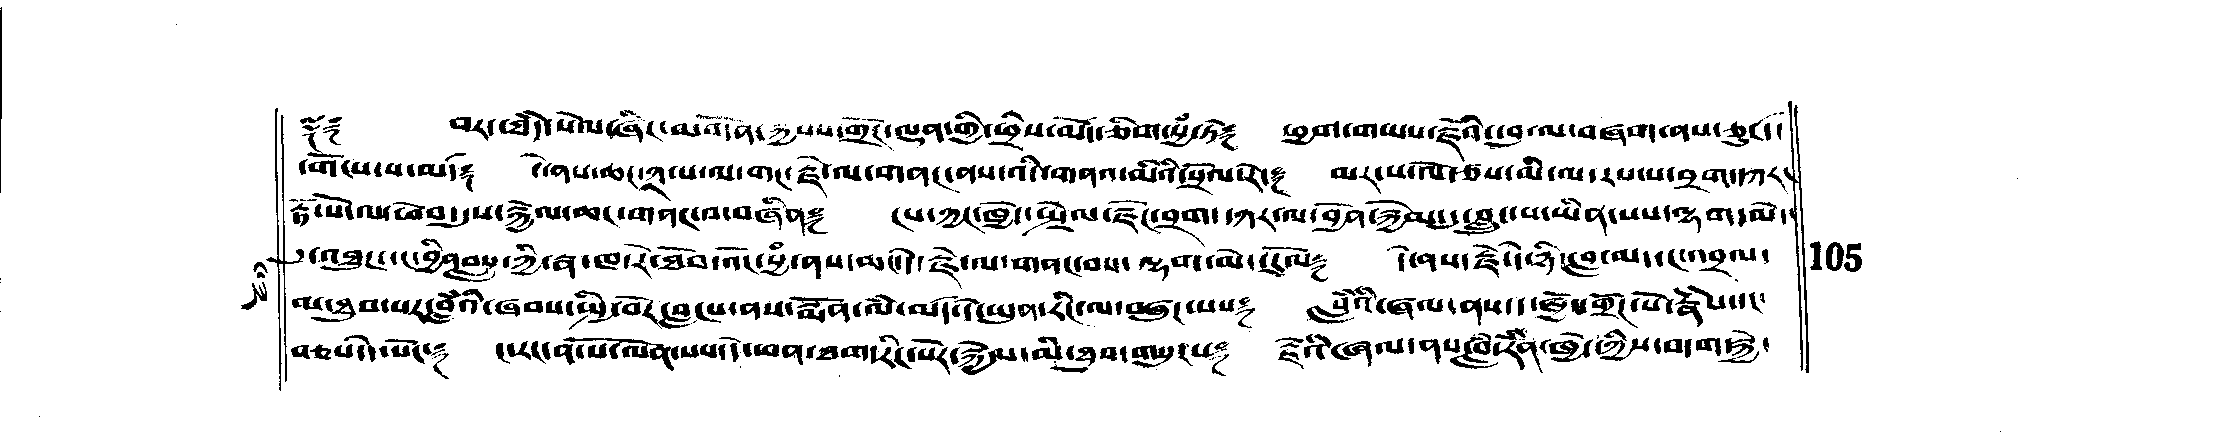བར་ཆད་ཐམས་ཅད་སེལ་ཞིང་མགོན་སྐྱབས་གྲོགས་ལྡན་གྱི་ཕྲིན་ལས་མཛོད་ཅིག་གསུངས་ཏེ།ཕྱག་གཡས་རྗེའི་དབུ་ལ་བཞག་ནས་ཅུང་
ཟད་དགོངས་པ་མཛད། དེ་ནས་ཆང་ཀཱ་པ་ལ་གང་རྗེ་ལ་གནང་ནས་འདི་གནའ་མིའི་སྲོལ་རེད། མར་པ་ལོ་ཙས་མི་ལ་རས་པ་བྲག་དཀར་
རྟོ་པོ་ལ་ཕེབས་དུས་སྐྱེལ་ཆང་གནང་བ་བཞིན། ངས་ཀྱང་ཁྱོད་སྤྲེལ་རྫོང་བྲག་དཀར་ལ་བྱོན་སྐྱེམ་དུ་བླུད་པ་ཡིན་པས་ལྷག་མེད་
དུ་འཐུང་དང་བྱིན་རླབས་ཀྱི་སྣ་ཁ་རེ་ཐོབ་འོང་གསུང་ནས་ཆང་དེ་རྗེ་ལ་གནང་བས་ལྷག་མེད་དུ་གསོལ། དེ་ནས་རྗེ་དེ་ཉིད་བླ་མ་དང་འབྲལ་
མ་ཐུབ་པར་བླ་མའི་ཞབས་སྤྱི་བོར་བླངས་ནས་སྨོན་ལམ་མཛད་དེ་ཡུན་རིང་ལ་བཞུགས་པས། བླ་མའི་ཞལ་ནས་ད་ཁྱོད་གྲོགས་པོ་རྣམས་དང་
བཅས་དེ་སོང་། ང་རང་ན་སོ་ལོན་པས་དེ་ཕན་ཐག་རིང་པོར་སྐྱེལ་མི་ཐུབ་གསུངས། རྗེའི་ཞལ་ནས་བླ་མ་རིན་པོ་ཆེ་ཁྱེད་ཀྱིས་བདག་སྐྱེ་